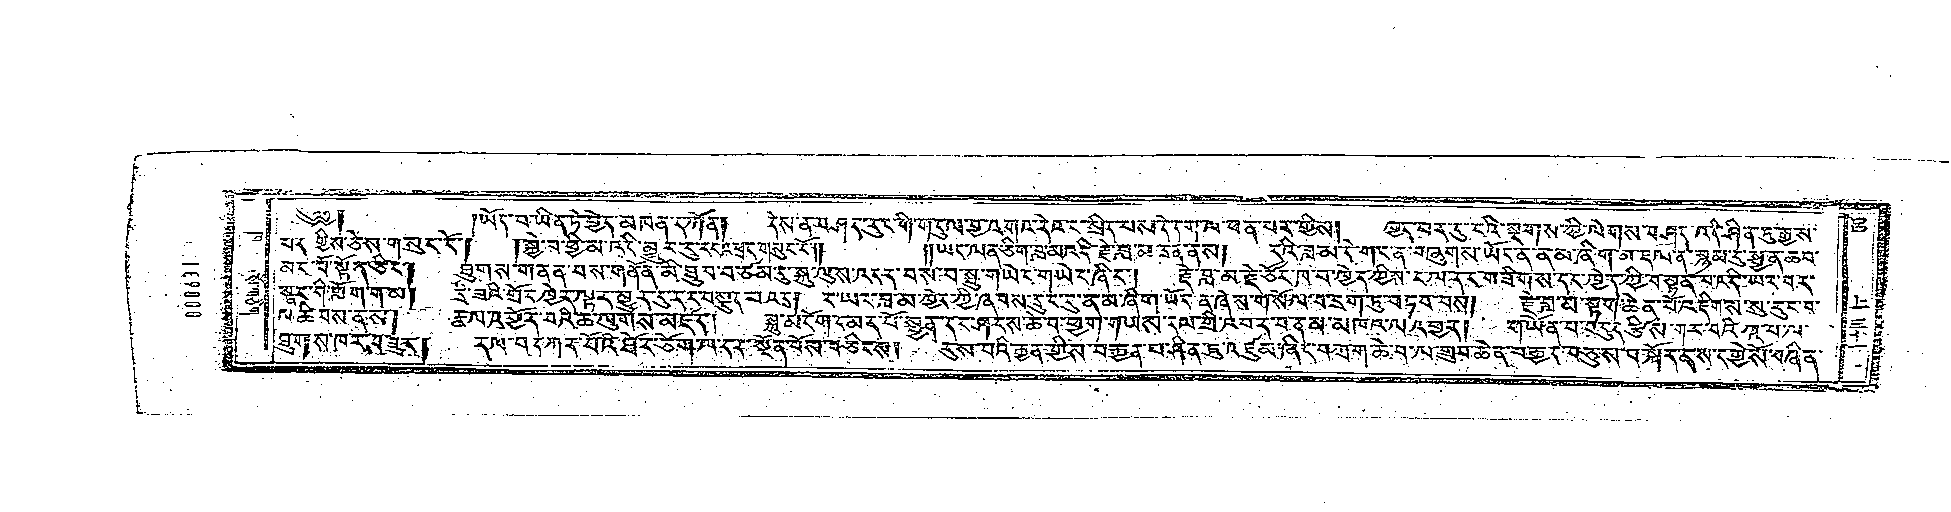༄༅། །ཡོད་བ་ཡིན་ཏེ་བྱེད་མཁན་དཀོན། དེས་ན་བཤད་རུང་གི་གདུལ་བྱ་འགའ་རེའང་སྲིད་པས་དེ་དག་ལ་ཕན་པར་གྱིས། ཁྱད་པར་དུ་ངའི་སྔགས་ཀྱི་ལེགས་བཤད་འདི་ཤིན་ཏུ་རྒྱས་
པར་གྱིས་ཅེས་གསུང་ངོ། །སྐྱེ་བ་ཕྱི་མ་འདི་མྱུར་དུ་རང་འཕྲད་གསུང་ངོ།། །།ཡང་ལན་ཅིག་བླ་མ་འདི་རྗེ་བླ་མ་དྲན་ནས། དའི་བླ་མ་དེ་གང་ན་བཞུགས་ཡོད་ན་ནམ་ཞིག་མཇལ་ན་སྙམ་དུ་སྤྱན་ཆབ་
མང་པོ་སྟོན་ཅིང་། ཐུགས་གནན་པས་གནོན་མི་ཐུབ་བ་ཙམ་དུ་སྐུ་ལུས་འདར་བས་བ་སྤུ་གཡེང་གཡེང་ཞིང་། རྗེ་བླ་མ་རྗེ་ཙོང་ཁ་པ་ཁྱེད་ཀྱིས་ང་ལ་རང་གཟིགས་དང་ཁྱེད་ཀྱི་བསྟན་པ་འདི་ཡང་བར་
སྣང་གི་གློག་གམ། དྲི་ཟའི་གྲོང་ཁྱེར་ལྟར་མྱུར་དུ་རང་བསྡུད་པ་འདྲ། ང་ཡང་བླ་མ་ཁྱེད་ཀྱི་ཞབས་དྲུང་དུ་ནམ་ཞིག་ཡོང་ན་ཞེས་གསོལ་བ་དྲག་ཏུ་བཏབ་བས། རྗེ་བླ་མ་སྟག་ཆེན་པོ་འཇིགས་སུ་རུང་བ་
ལ་ཆི་བས་ནས། རྣལ་འབྱོར་བའི་ཆ་ལུགས་མཛད། སྐུ་མདོག་དམར་པོ་སྤྱན་དང་ཤངས་ཆེ་བ་ཕྱག་གཡས་རལ་གྲི་འབར་བ་ནམ་མཁའ་ལ་འཕྱར། གཡོན་པ་བདུད་རྩིས་གང་བའི་ཀཱ་པ་ལ་
ཐུགས་ཁར་བཟུང་། རལ་པ་དཀར་པོའི་ཐོར་ཅོག་ལ་དར་སྔོན་པོས་བཅིངས། རུས་པའི་རྒྱན་གྱིས་བརྒྱན་པ་ཤིན་ཏུ་འཛུམ་ཞིང་བཀྲག་ཆེ་བ་ལ་གྲུབ་ཆེན་བརྒྱད་བཅུས་བསྐོར་ནས་དགྱེ་སོ་བཞིན་